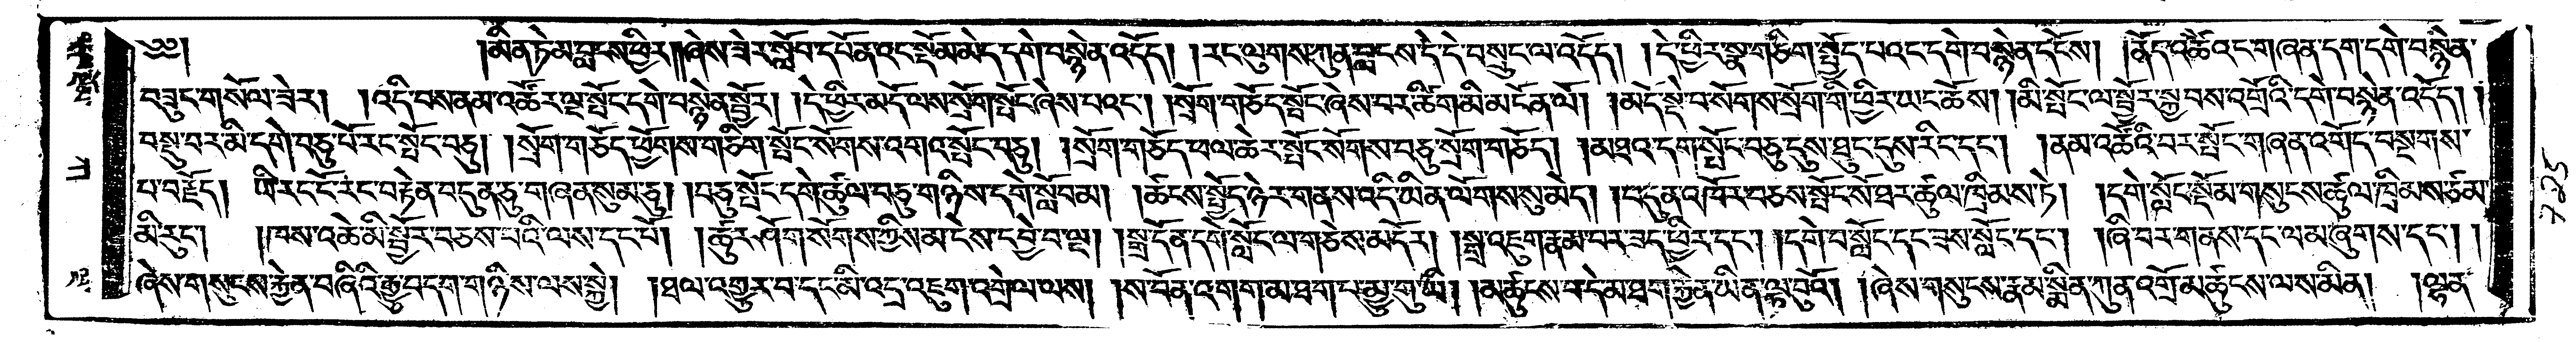༄༅། །མིན་ཏེ་མ་བླངས་ཕྱིར། །ཞེས་ཟེར་སློབ་དཔོན་འང་སྡོམ་མེད་དགེ་བསྙེན་འདོད། །རང་ལུགས་ཀུན་བླངས་དེ་དེ་བསྲུང་ལ་འདོད། །དེ་ཕྱིར་སྣ་གཅིག་སྤྱོད་པའང་དགེ་བསྙེན་དངོས། །ནོད་འཚེའང་གཞན་དག་དགེ་བསྙེན་
བཟུང་གསོལ་ཟེར། །འདི་བས་ནམ་འཚོར་ལྔ་སྤོང་དགེ་བསྙེན་སྦྱོར། །དེ་ཕྱིར་མདོ་ལས་སྲོག་སྤོང་ཞེས་པའང་། །སྲོག་གཅོད་སྤོར་ཞེས་བར་ཚིག་མི་མངོན་ལོ། །མདོ་སྡེ་པ་སོགས་སྲོག་གི་ཕྱིར་ཡང་ཆོས། །མི་སྤོང་ལ་སྦྱོར་སྐྱབས་འགྲོའི་དགེ་བསྙེན་འདོད། །
བསྡུ་བར་མི་དགེ་བཅུ་པོ་རང་སྔོང་བཅུ། །སྲོག་གཅོད་ཕྱོགས་གཅིག་སྤོང་སོགས་འགའ་སྤོང་བཅུ། །སྲོག་གཅོད་ཕལ་ཆེར་སྤོང་སོགས་བཅུ་སྲོག་གཅོད། །མཐའ་དག་སྤོང་བཅུ་དུས་ཐུང་དུས་རིང་དང་། །ནམ་འཚོའི་བར་སྤོང་གཞན་འགོད་བསྔགས་
པ་བརྗོད། ཡི་རང་ངོ་རང་བརྟེན་བདུན་ཅུ་གཞན་སུམ་ཅུ། །བཅུ་སྤོང་དགེ་ཚུལ་བཅུ་གཉིས་དགེ་སློབ་མ། །ཚངས་སྤྱོད་ཉེར་གནས་འདི་ཡིན་ལོགས་སུ་མེད། །བདུན་འཁོར་བཅས་སྤོང་སོ་ཐར་ཚུལ་ཁྲིམས་ཏེ། །དགེ་སློང་སྡོམ་གསུངས་ཚུལ་ཁྲིམས་ཙམ་
མི་རུང་། །ཁས་འཆེ་མི་སྦྱོར་བཅས་པའི་ལས་དང་ཕོ། །ཚུར་ཤོག་སོགས་ཀྱིས་མེ་དེས་དབྱེ་བ་ལྔ། །སྒྲ་དོན་དགེ་སློང་ལ་གཅེས་མདོར། །སྒྲ་འཇུག་རྣམ་པར་ཟད་ཕྱིར་དང་། །དགེ་བ་སློང་དང་ཟས་སློང་དང་། །ཞི་བར་གནས་དང་ལམ་ཞུགས་དང་། །
ཞེས་གསུངས་རྐྱེན་བཞིའི་རྒྱུ་བདག་གཉིས་ལས་སྐྱེ། །ཐལ་འགྱུར་བ་དང་མི་འདྲ་འཇུག་འགྲེལ་ལས། །ས་བོན་འགག་མ་ཐག་པ་མྱུ་གུ་ཡི། །མེ་ཚུངས་པ་དེ་མ་ཐག་རྐྱེན་ཡིན་ལྟ་བུའོ། །ཞེས་གསུངས་རྣམ་སྨིན་ཀུན་འགྲོ་མཚུངས་ལས་མིན། །ལྷན་